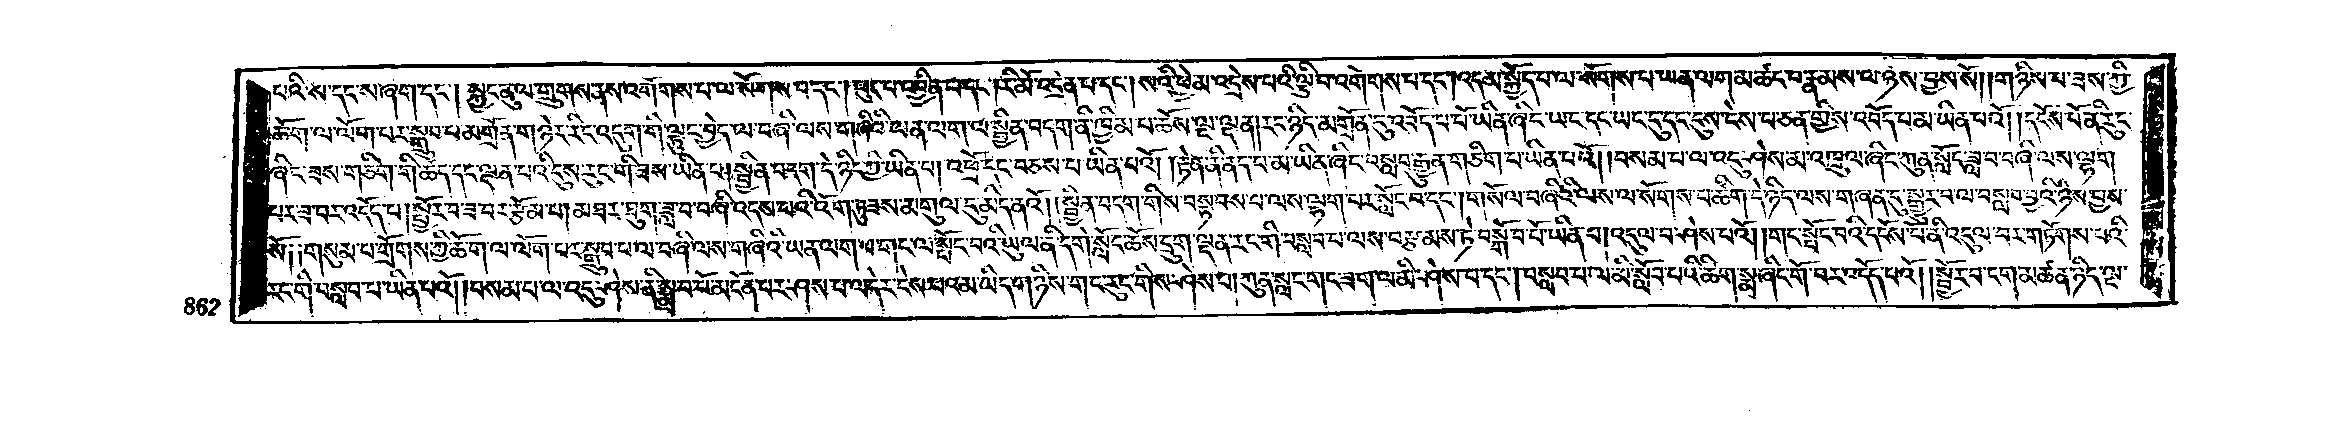པའི་ས་དང་ས་ཞག་དང་། སྐྱང་ནུལ་གྲུགས་ནས་འགོགས་པ་ལ་སོགས་པ་དང་། ཕུང་པ་འབྱིན་པ་དང་། རི་མོ་འདྲེན་པ་དང་། སའི་ཕྱེ་མ་འདྲེས་པའི་ལྕི་བ་འགེགས་པ་དང་། འདམ་སྐྱོད་པ་ལ་སོགས་པ་ཡན་ལག་མ་ཚང་བ་རྣམས་ལ་ཉེས་བྱས་སོ། །གཉིས་པ་ཟས་ཀྱི་
ཆོ་ག་ལ་ལོག་པར་སྒྲུབ་པ་མགྲོན་གཉེར་རིང་འདུག་གི་ལྟུང་བྱེད་ལ་བཞི་ལས་གཞིའི་ཡན་ལག་ལ་སྦྱིན་བདག་ནི་ཁྱིམ་པ་ཆོས་ལྔ་ལྡན། རང་ཉིད་མགྲོན་དུ་འབོད་པ་པོ་ཡིན་ཞིང་ཡང་དང་ཡང་དུ་དང་དུས་ངེས་པ་ཅན་གྱིས་འབོད་པ་མ་ཡིན་པའོ། །དངོས་པོ་ནི་རུང་
ཞིང་ཟས་གཅིག་གི་ཚད་དང་ལྡན་པའི་དུས་རུང་གི་ཟས་ཡིན་པ། སྦྱིན་བདག་དེ་ཉིད་ཀྱི་ཡིན་པ། འཕྲོ་དང་བཅས་པ་ཡིན་པའོ། །རྟེན་ནི་ནད་པ་མ་ཡིན་ཞིང་བསླབ་རྒྱུན་གཅིག་པ་ཡིན་པའོ། །བསམ་པ་ལ་འདུ་ཤེས་མ་འཁྲུལ་ཞིང་ཀུན་སློང་ཟླ་བ་བཞི་ལས་ལྷག་
པར་ཟ་བར་འདོད་པ། སྦྱོར་བ་ཟ་བར་རྩོམ་པ། མཐར་ཐུག་ཟླ་བ་བཞི་འདས་པའི་འོག་ཏུ་ཟས་མགུལ་དུ་མིད་ནའོ། །སྦྱིན་བདག་གིས་བསྟབས་པ་ལས་ལྷག་པར་སློང་བ་དང་། གསོལ་བཞིའི་ལས་ལ་སོགས་པ་ཚིག་དེ་ཉིད་ལས་གཞན་དུ་སྒྱུར་བ་ལ་བསླབ་བྱའི་ཉིས་བྱས་
སོ༑ ༑གསུམ་པ་གྲོགས་ཀྱི་ཆོ་ག་ལ་ལོག་པར་སྒྲུབ་པ་ལ་བཞི་ལས་གཞིའི་ཡན་ལག་ལ་གང་ལ་སྤོང་བའི་ཡུལ་ནི་དགེ་སློང་ཆོས་དྲུག་ལྡན་རང་གི་བསླབ་པ་ལས་བརྩམས་ཏེ་བསྒོ་བ་པོ་ཡིན་པ། འདུལ་བ་ཤེས་པའོ། །གང་སྤོང་བའི་དངོས་པོ་ནི་འདུལ་བར་གཏོགས་པའི་
རང་གི་བསླབ་པ་ཡིན་པའོ། །བསམ་པ་ལ་འདུ་ཤེས་ནི་སྨྲ་བ་པོ་མངོན་པར་ཤེས་པ་ལ་དེར་ངེས་པའམ་ཡིད་གཉིས་གང་རུང་གིས་ཤེས་པ། ཀུན་སླང་གང་ཟག་ལ་མི་ཤེས་པ་དང་། བསླབ་པ་ལ་མི་སློབ་པའི་ཚིག་སྨྲ་ཞིང་གོ་བར་འདོད་པའོ། །སྦྱོར་བ་ངག་མཚན་ཉིད་ལྔ་